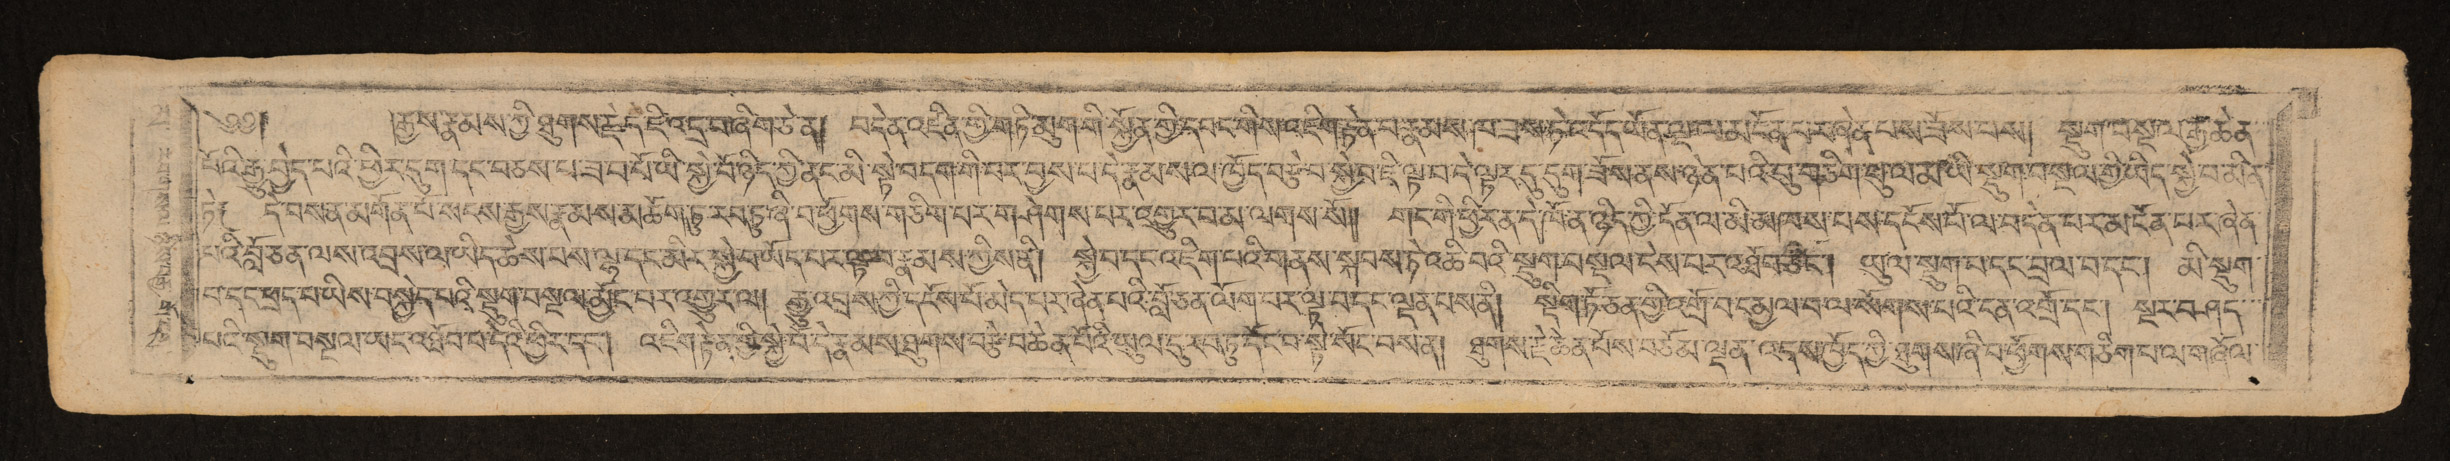༄༅། །རྒྱས་རྣམས་ཀྱི་ཐུགས་རྗེ་དེ་ཇི་འདྲ་བ་ཞིག་ཅེ་ན། བདེན་འཛིན་གྱི་གཏི་མུག་གི་སྐྱོན་གྱི་དབང་གིས་འཇིག་རྟེན་པ་རྣམས་ཁ་ཟས་ཏེ་འདོད་ཡོན་ལྔ་ལ་མངོན་པར་ཞེན་པས་ཟོས་པས། སྡུག་བསྔལ་རྒྱ་ཆེན་
པོའི་རྒྱུ་བྱེད་པའི་ཕྱིར་དུག་དང་བཅས་པ་ཟ་བ་པོ་ཡི་སྐྱེ་བོ་ཉིད་ཀྱི་ནང་མི་སྟེ་བདག་གི་བར་བྱས་པ་དེ་རྣམས་ལ་ཁྱོད་བརྩེ་བ་སྐྱེ་བ་ཇི་ལྟ་བ་དེ་ལྟར་དུ་དུག་ཟོས་ནས་ཉེན་པའི་བུ་གཅིག་བུ་ལ་མ་ཡི་སྡུག་བསྔལ་གྱི་ཡིད་སྐྱེ་བ་མིན་
ཏེ༑ དེ་བས་ན་མགོན་པོ་སངས་རྒྱས་རྣམས་མཆོག་ཏུ་རབ་ཏུ་ཞི་བ་ཕྱོགས་གཅིག་པར་གཤེགས་པར་འགྱུར་བ་མ་ལགས་སོ།། གང་གི་ཕྱིར་ན་དེ་ཁོ་ན་ཉིད་ཀྱི་དོན་ལ་མི་མཁས་པས་དངོས་པོ་ལ་བདེན་པར་མངོན་པར་ཞེན་
པའི་བློ་ཅན་ལས་འབྲས་ལ་ཡིད་ཆེས་པས་ལྷ་དང་མིར་སྐྱེ་བ་ཡོད་པར་ལྟ་བ་རྣམས་ཀྱིས་ནི། སྐྱེ་བ་དང་འཇིག་པའི་གནས་སྐབས་ཏེ་འཆི་བའི་སྡུག་བསྔལ་ངེས་པར་འཐོབ་ཅིང་། ཡུལ་སྡུག་པ་དང་བྲལ་བ་དང་། མི་སྡུག་
པ་དང་ཕྲད་པ་ཡིས་བསྐྱེད་པའི་སྡུག་བསྔལ་མྱོང་བར་འགྱུར་ལ། རྒྱུ་འབྲས་ཀྱི་དངོས་པོ་མེད་པར་ཞེན་པའི་བློ་ཅན་ལོག་པར་ལྟ་བ་དང་ལྡན་པས་ནི། སྡིག་ཏོ་ཅན་གྱི་འགྲོ་བ་དམྱལ་བ་ལ་སོགས་པའི་ངན་འགྲོ་དང་། སྔར་བཤད་
པའི་སྡུག་བསྔལ་ཡང་འཐོབ་པ་དེའི་ཕྱིར་དང་། འཇིག་རྟེན་གྱི་སྐྱེ་བོ་དེ་རྣམས་ཐུགས་བརྩེ་བ་ཆེན་པོའི་ཡུལ་དུ་རབ་ཏུ་དོང་བ་སྟེ་སོང་བས་ན། ཐུགས་རྗེ་ཆེན་པོས་བཅོམ་ལྡན་འདས་ཁྱོད་ཀྱི་ཐུགས་ཞི་བ་ཕྱོགས་གཅིག་པ་ལ་གཞོལ་